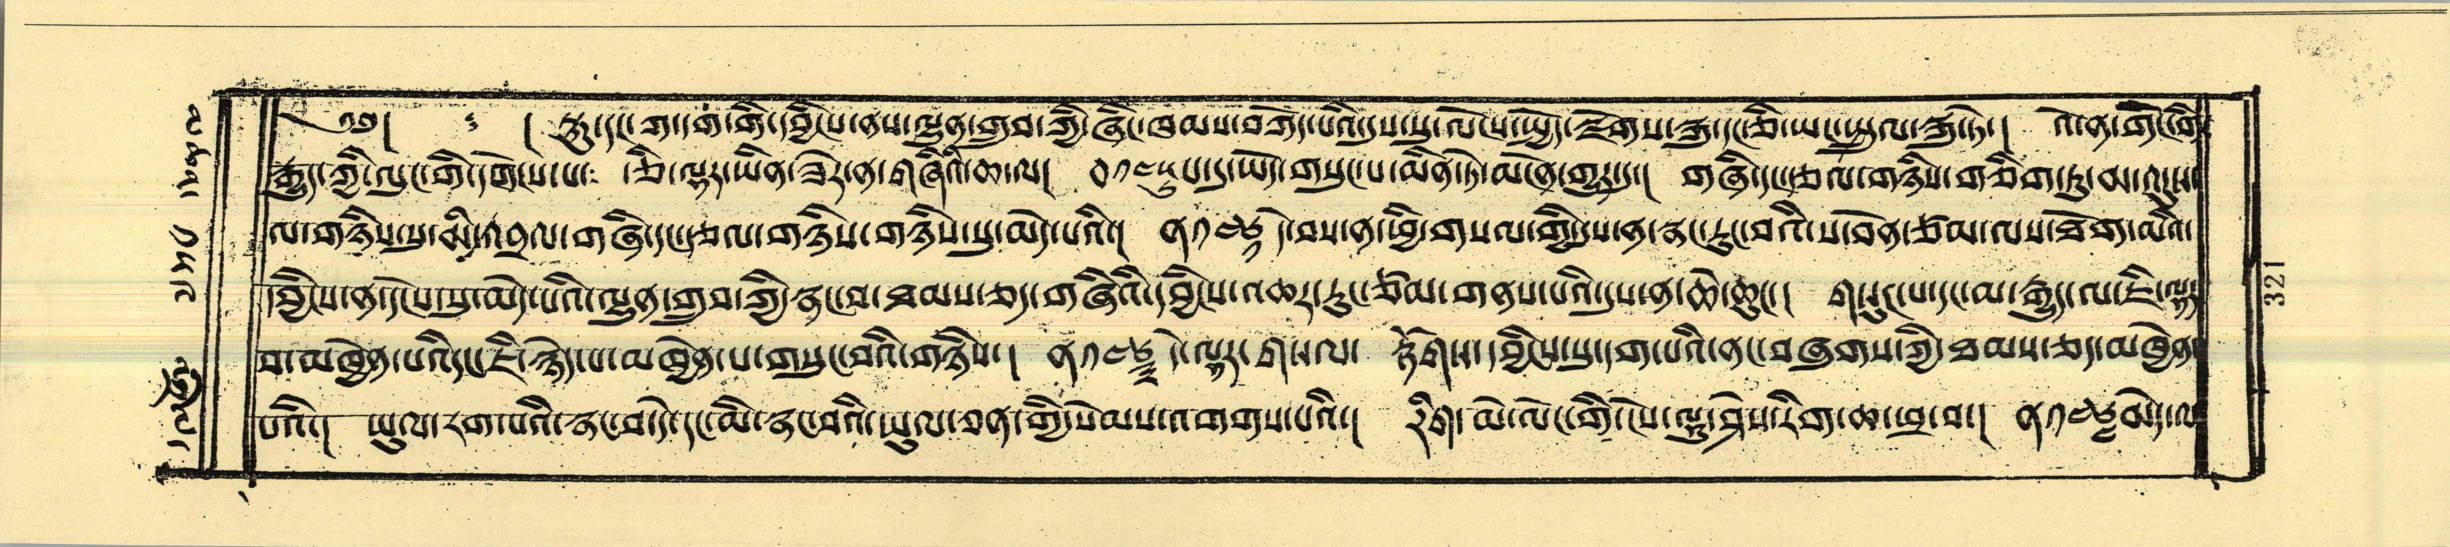༼སྐུ་དང་༽ཀ་དག་གི་དབྱིངས་ནས་ལྷུན་གྲུབ་ཀྱི་ཞིང་ཁམས་བཀོད་པའི་དུས་སུ་ལོངས་སྤྱོད་སྫོགས་སྐུ་དང་ཅི་ཡང་སྤྲུལ་སྐུ་ཏེ། འོ་ན་གོང་གི་
རྒྱུད་ཀྱི་ལུང་གི་དགོངས་པ་ཅི་ལྟར་ཡིན་ཟེར་ན་ ༼གཞིའི་ཆ་ལ།༽བ༡༤༥།༦ ༼པ་༽དུ་ཡོད་གསུང་པ་མིན་ཏེ་མངོན་གྱུར་དུ། གཞི་དང་རྩལ་གཉིས་གཅིག་ཏུ་མ་འདུས་
ལ་གཉིས་སུ་ ༼མི་འབྲལ་༽གཞི་དང་རྩལ་གཉིས་གཉིས་སུ་མེད་པའི། ན༡༤༦།༡ དེ་བས་ན་ཕྱི་གསལ་གྱི་དུས་ན་སྣང་རུང་བའི་ས་བོན་ཙམ་ལས་ཐོག་མའི་
དབྱིངས་ན་དངོས་སུ་མེད་པའི་ལྷུན་གྲུབ་ཀྱི་སྣང་བ་ཐམས་ཅད་གཞིའི་དབྱིངས་འཆར་རུང་ཙམ་གནས་པའི་དུས་ན་ ༼ཆེ་ཆུང་༽ ༼གསུང་༽པ་དང་མ་རྒྱུད་ལ་ཇི་ལྟར་
བ་མཁྱེན་པའི་དང་ཇི་སྙེད་པ་མཁྱེན་པ་གསུང་བའི་གཉིས། ན༡༤༦།༣ དེ་ལྟར་ ༼གསལ་རྟོགས་༽དབྱིངས་སུ་དག་པའི་ནང་བཞུགས་ཀྱི་ཐམས་ཅད་མཁྱེན་
པའི། ༼ཡུལ་༽རག་པའི་སྣང་བ་དེ་དང་མི་སྣང་བའི་ ༼ཡུལ་ཅན་༽གྱི་སེམས་འགགས་པའི། ༼རིག་༽མེ་ལོང་གི་ངོས་ལྟ་བུ་ཤེས་རིག་ཆ་ཕྲ་བ། ན༡༤༦།༤ ༼མེ་ལ་༽